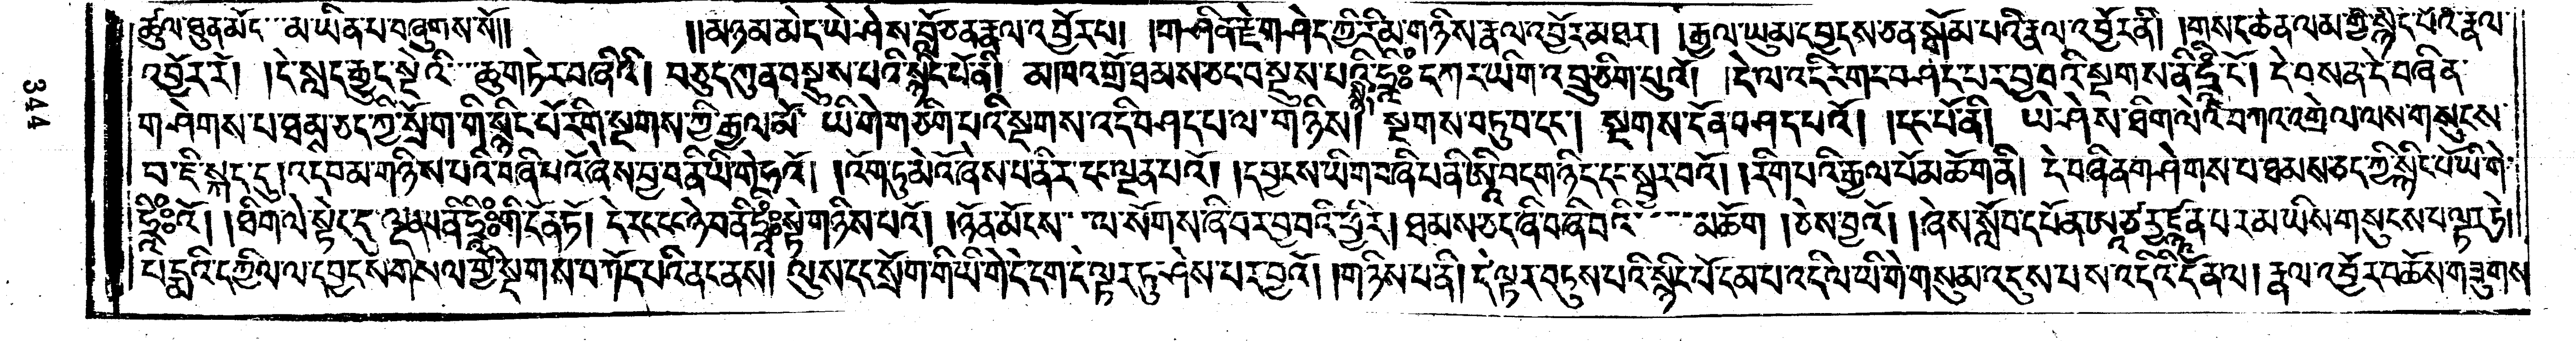ཚུལ་ཐུན་མོང་མ་ཡིན་པ་བཞུགས་སོ།། །།མཉམ་མེད་ཡེ་ཤེས་བློ་ཅན་རྣལ་འབྱོར་པ། །གཤིན་རྗེ་གཤེད་ཀྱི་རིམ་གཉིས་རྣལ་འབྱོར་མཐར། །རྒྱལ་ཡུམ་དབྱངས་ཅན་སྒོམ་པའི་རྣལ་འབྱོར་ནི། །གསང་ཆེན་ལམ་གྱི་སྙིང་པོའི་རྣལ་
འབྱོར་རོ། །དེ་སླད་རྒྱུད་སྡེའི་ཆུ་གཏེར་བཞིའི། བཅུད་ཀུན་བསྡུས་པའི་སྙིང་པོ་ནི། མཁའ་འགྲོ་ཐམས་ཅད་བསྡུས་པའི་སྙིང་ཧྲཱིཿ དཀར་ཡིག་འབྲུ་ཅིག་པུའོ། །དེ་ལ་འདིར་གང་བཤད་པར་བྱ་བའི་སྔགས་ནི་ཧྲཱིཾ་ངོ། དེ་བསན་དེ་བཞིན་
གཤེགས་པ་ཐམས་ཅད་ཀྱི་སྲོག་གི་སྙིང་པོ་རིག་སྔགས་ཀྱི་རྒྱལ་མོ་ཡི་གེ་གཅིག་པའི་སྔགས་འདི་བཤད་པ་ལ་གཉིས། སྔགས་བཏུ་བ་དང་། སྔགས་དོན་བཤད་པའོ། །དང་པོ་ནི། ཡེ་ཤེས་ཐིག་ལེའི་བཀའ་འགྲེལ་ལས་གསུངས་
བ་ཇི་སྐད་དུ། འདབ་མ་གཉིས་པའི་བཞི་པའོ་ཞེས་བྱ་བ་ནི་ཡི་གེ་ཧའོ། །འོག་ཏུ་མེའོ་ཞེས་པ་ནི་ར་དང་ལྡན་པའོ། །དབྱངས་ཡིག་བཞི་པ་ནི་ཨཱི་བདག་ཉིད་དང་སྦྱར་བའོ། །རིག་པའི་རྒྱལ་པོ་མཆོག་ནི། དེ་བཞིན་གཤེགས་པ་ཐམས་ཅད་ཀྱི་སྙིང་པོ་ཡི་གེ་
ཧྲཱིཿའོ། །ཐིག་ལེ་སྟེང་དུ་ལྡན་པ་ནི་ཧྲཱིཾཿ གི་དོན་ཏོ། དེ་རང་དང་ཉེ་བ་ན་ཧྲཱིཾཿ སྟེ་གཉིས་པའོ། །ཉོན་མོངས་ལ་སོགས་ཞི་བར་བྱ་བའི་ཕྱིར། ཐམས་ཅད་ཞི་བ་ཞི་བའི་མཆོག །ཅེས་བྱའོ། །ཞེས་སློབ་དཔོན་ཨཱ་ཙརྱ་ཛྙཱ་ན་པ་ར་མ་ཡིས་གསུངས་པ་ལྟར་ཏེ།
པདམའི་དཀྱིལ་ལ་དབྱངས་གསལ་གྱི་སྔགས་བཀོད་པའི་ནང་ནས། ལུས་དང་སྲོག་གི་ཡི་གེ་དེ་དག་དེ་ལྟར་ཏུ་ཤེས་པར་བྱའོ། །གཉིས་པ་ནི། དེ་ལྟར་བཏུས་པའི་སྙིང་པོ་དམ་པ་འདི་ལ་ཡི་གེ་གསུམ་འདུས་པས་འདིའི་དོན་ལ། རྣལ་འབྱོར་བ་ཆོས་གཟུགས་